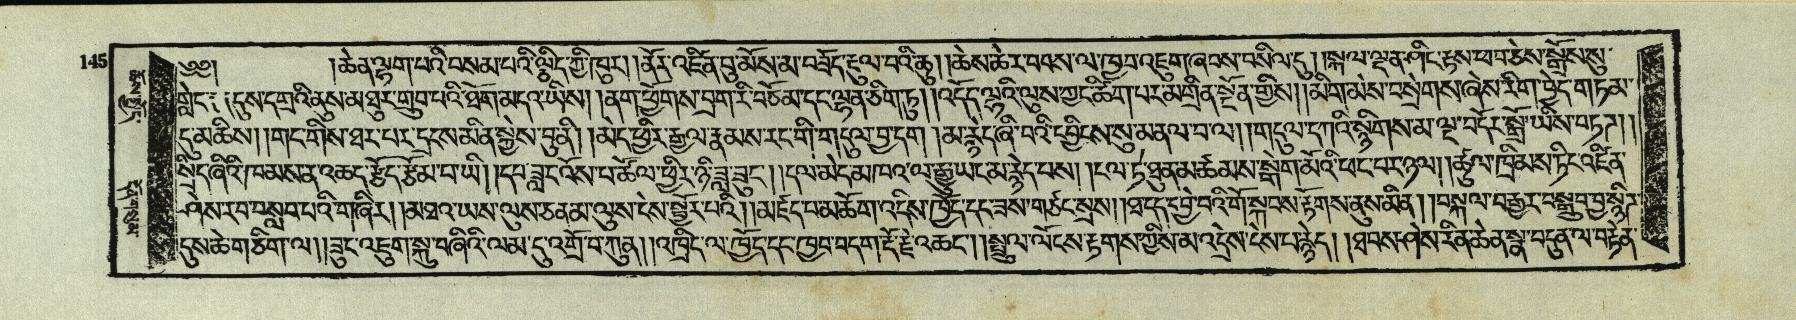༄༅། །ཆེན་ལྷག་པའི་བསམ་པའི་ལྕིད་ཀྱི་ཁུར། །ནོར་འཛིན་བུ་མོས་མ་བཟོད་རྡུལ་བའི་ཆུ། །ཆེས་ཆེར་བབས་ལ་ཁྱབ་འཇུག་ཞབས་བསིལ་དུ། །སྐལ་ལྡན་ཤིང་རྟས་ཕབ་ཅེས་སྒྲོས་སུ་
གླེང༑ ༑དུས་དགྲའི་ནུས་མཐུར་གྲུབ་པའི་ཐོག་མདའ་ཡིས། །ནག་ཕྱོགས་བྲག་རི་བཅོམ་དང་ལྷན་ཅིག་ཏུ། །འདོད་ལྷའི་ལུས་ཀྱང་ཚིག་པར་མགྲིན་སྔོན་གྱིས། །མིག་མེས་བསྲེགས་ཞེས་རིག་ཕྱེད་གཏམ་
དུ་མཆིས། །གང་གིས་ཐར་པར་དྲངས་མིན་སྐྱེས་བུ་ནི། །མེད་ཕྱིར་རྒྱལ་རྣམས་རང་གི་གདུལ་བྱ་དག །མ་རྙེད་ཞི་བའི་དབྱིངས་སུ་མནལ་བ་ལ། །གདུལ་དཀའི་སྙིགས་མ་ལྔ་བདོར་སྒྲོ་ཡིས་བཏཌ། །
སྲིད་ཞིའི་ཁམས་ན་འཆད་རྩོད་རྩོམ་པ་ཡི། །དབ་ཟླང་འོས་པ་ཚོལ་ཕྱིར་ཉི་ཟླ་ཟུང་། །དལ་མེད་མཁའ་ལ་རྒྱུ་ཡང་མ་རྙེད་པས། །ངལ་ཏེ་ཐུན་མཚམས་སྒེག་མོའི་ཕང་པར་ཉལ། །ཚུལ་ཁྲིམས་ཏིང་འཛིན་
ཤེས་རབ་བསླབ་པའི་གཞིར། །མཐའ་ཡས་ལུས་ཅན་མ་ལུས་ངེས་སྦྱོར་པའི། །མཛད་པ་མཆོག་འདིས་ཁྱོད་དང་ཟས་གཙང་སྲས། །ཐ་དད་དབྱེ་བའི་གོ་སྐབས་རྟོགས་ནུས་མིན། །བསྐལ་བརྒྱར་བསྒྲུབ་བྱ་སྙིཌ་
དུས་ཆེ་གཅིག་ལ། །ཟུང་འཇུག་སྐུ་བཞིའི་ལམ་དུ་འགྲོ་བ་ཀུན། །འཁྲིད་ལ་ཁྱོད་དང་ཁྱབ་བདག་རྡོ་རྗེ་འཆང་། །སྤྲུལ་ལོངས་རྟགས་ཀྱིས་མ་འདྲེས་ངེས་པ་རྙེད། །ཐབས་ཤེས་རིན་ཆེན་སྣ་བདུན་ལ་བརྟེན་